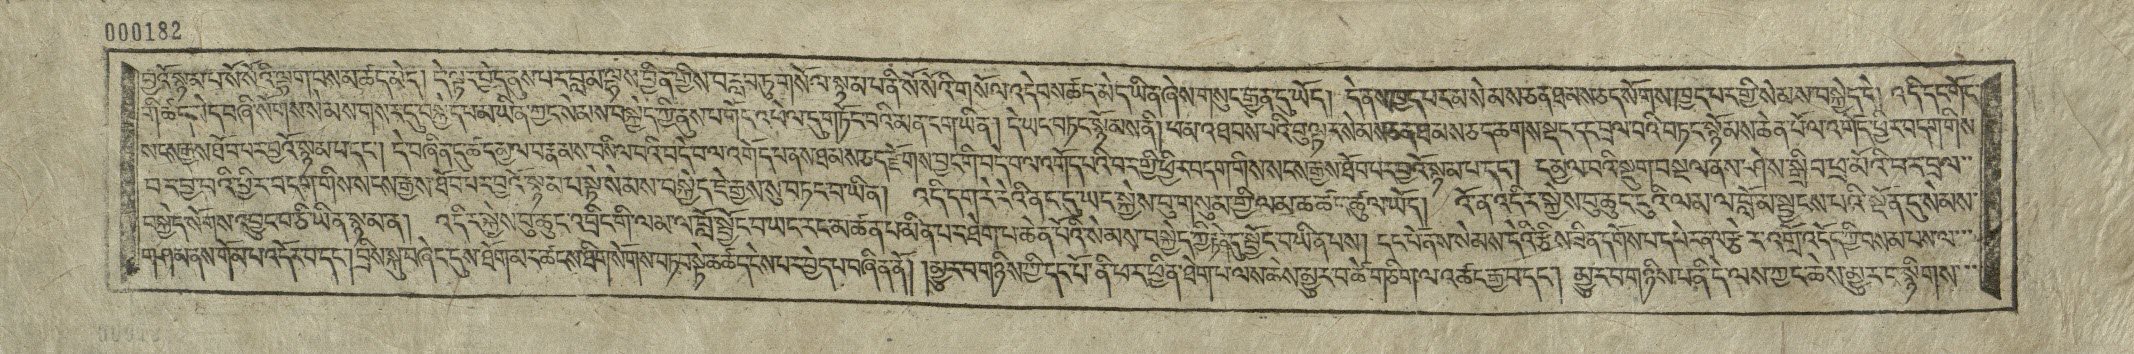བྱའོ་སྙམ་པ་སོ་སོའི་ལྷག་པས་མ་ཚད་མེད། དེ་ལྟར་བྱེད་ནུས་པར་བླ་མ་ལྷས་བྱིན་གྱིས་བརླབ་ཏུ་གསོལ་སྙམ་པ་ནི་སོ་སོའི་གསོལ་འདེབས་ཚད་མེད་ཡིན་ཞེས་གསུང་རྒྱུན་དུ་ཡོད། དེ་ནས་ཁྱད་པར་མ་སེམས་ཅན་ཐམས་ཅད་སོགས་ཁྱད་པར་གྱི་སེམས་བསྐྱེད་དེ། འདི་དང་གོང་
གི་ཚད་མེད་བཞི་སོགས་སེམས་གསར་དུ་བསྐྱེད་པ་མ་ཡིན་ཀྱང་སེམས་བསྐྱེད་ཀྱི་ནུས་པ་གོང་འཕེལ་དུ་གཏོང་བའི་མན་ངག་ཡིན། དེ་ཡང་བཏང་སྙོམས་ནི། ཕམ་འཐབས་པའི་བུ་ལྟར་སེམས་ཅན་ཐམས་ཅད་ཆགས་སྡང་དང་བྲལ་བའི་བཏང་སྙོམས་ཆེན་པོ་ལ་འགོད་ཕྱིར་བདག་གིས་
སངས་རྒྱས་ཐོབ་པར་བྱའོ་སྙམ་པ་དང་། དེ་བཞིན་དུ་ཚ་དམྱལ་བ་རྣམས་བསིལ་བའི་བདེ་བ་ལ་འགོད་པ་ནས་ཐམས་ཅད་རྫོགས་བྱང་གི་བདེ་བ་ལ་འགོད་པའི་བར་གྱི་ཕྱིར་བདག་གིས་སངས་རྒྱས་ཐོབ་པར་བྱའོ་སྙམ་པ་དང་། དམྱལ་བའི་སྡུག་བསྔལ་ནས་ཤེས་སྒྲིབ་ཕྲ་མོའི་བར་བྲལ་
བར་བྱ་བའི་ཕྱིར་བདག་གིས་སངས་རྒྱས་ཐོབ་པར་བྱའོ་སྙམ་པ་སྟེ་སེམས་བསྐྱེ་ཇེ་རྒྱས་སུ་བཏང་བ་ཡིན། འདི་དག་རེ་རེའི་ནང་དུ་ཡང་སྐྱེས་བུ་གསུམ་གྱི་ལམ་ཆ་ཚང་ཚུལ་ཡོད། འོ་ན་འདིར་སྐྱེས་བུ་ཆུང་ངུའི་ལམ་ལ་བློ་མ་སྦྱངས་པའི་སྔོན་དུ་སེམས་
བསྐྱེད་སོགས་འབྱུང་བ་ཅི་ཡིན་སྙམ་ན། འདིར་སྐྱེས་བུ་ཆུང་འབྲིང་གི་ལམ་ལ་བློ་སྦྱོང་བ་ཡང་རང་མཚན་པ་མིན་པར་ཐེག་པ་ཆེན་པོའི་སེམས་བསྐྱེད་ཀྱི་རྟེན་དུ་སྦྱོང་བ་ཡིན་པས། དང་པོ་ནས་སེམས་དེའི་རྩིས་ཟིན་དགོས་པ་དཔེར་ན་ལ་རྩེར་འགྲོ་འདོད་ཀྱི་བསམ་པས་ལ་
གཤམ་ནས་གོམ་པ་འདོར་བ་དང་། བྲིས་སྐུ་བཞེང་དུས་ཐོག་མར་ཚངས་ཐིག་སོགས་བཏབ་སྟེ་ཆ་ཚད་ངེས་པར་བྱེད་པ་བཞིན་ནོ། །མྱུར་བ་གཉིས་ཀྱི་དང་པོ་ནི་ཕར་ཕྱིན་ཐེག་པ་ལས་ཆེས་མྱུར་བ་ཚེ་གཅིག་ལ་འཚང་རྒྱ་བ་དང་། མྱུར་བ་གཉིས་པ་ནི་དེ་ལས་ཀྱང་ཆེས་མྱུར་བ་སྙིགས་